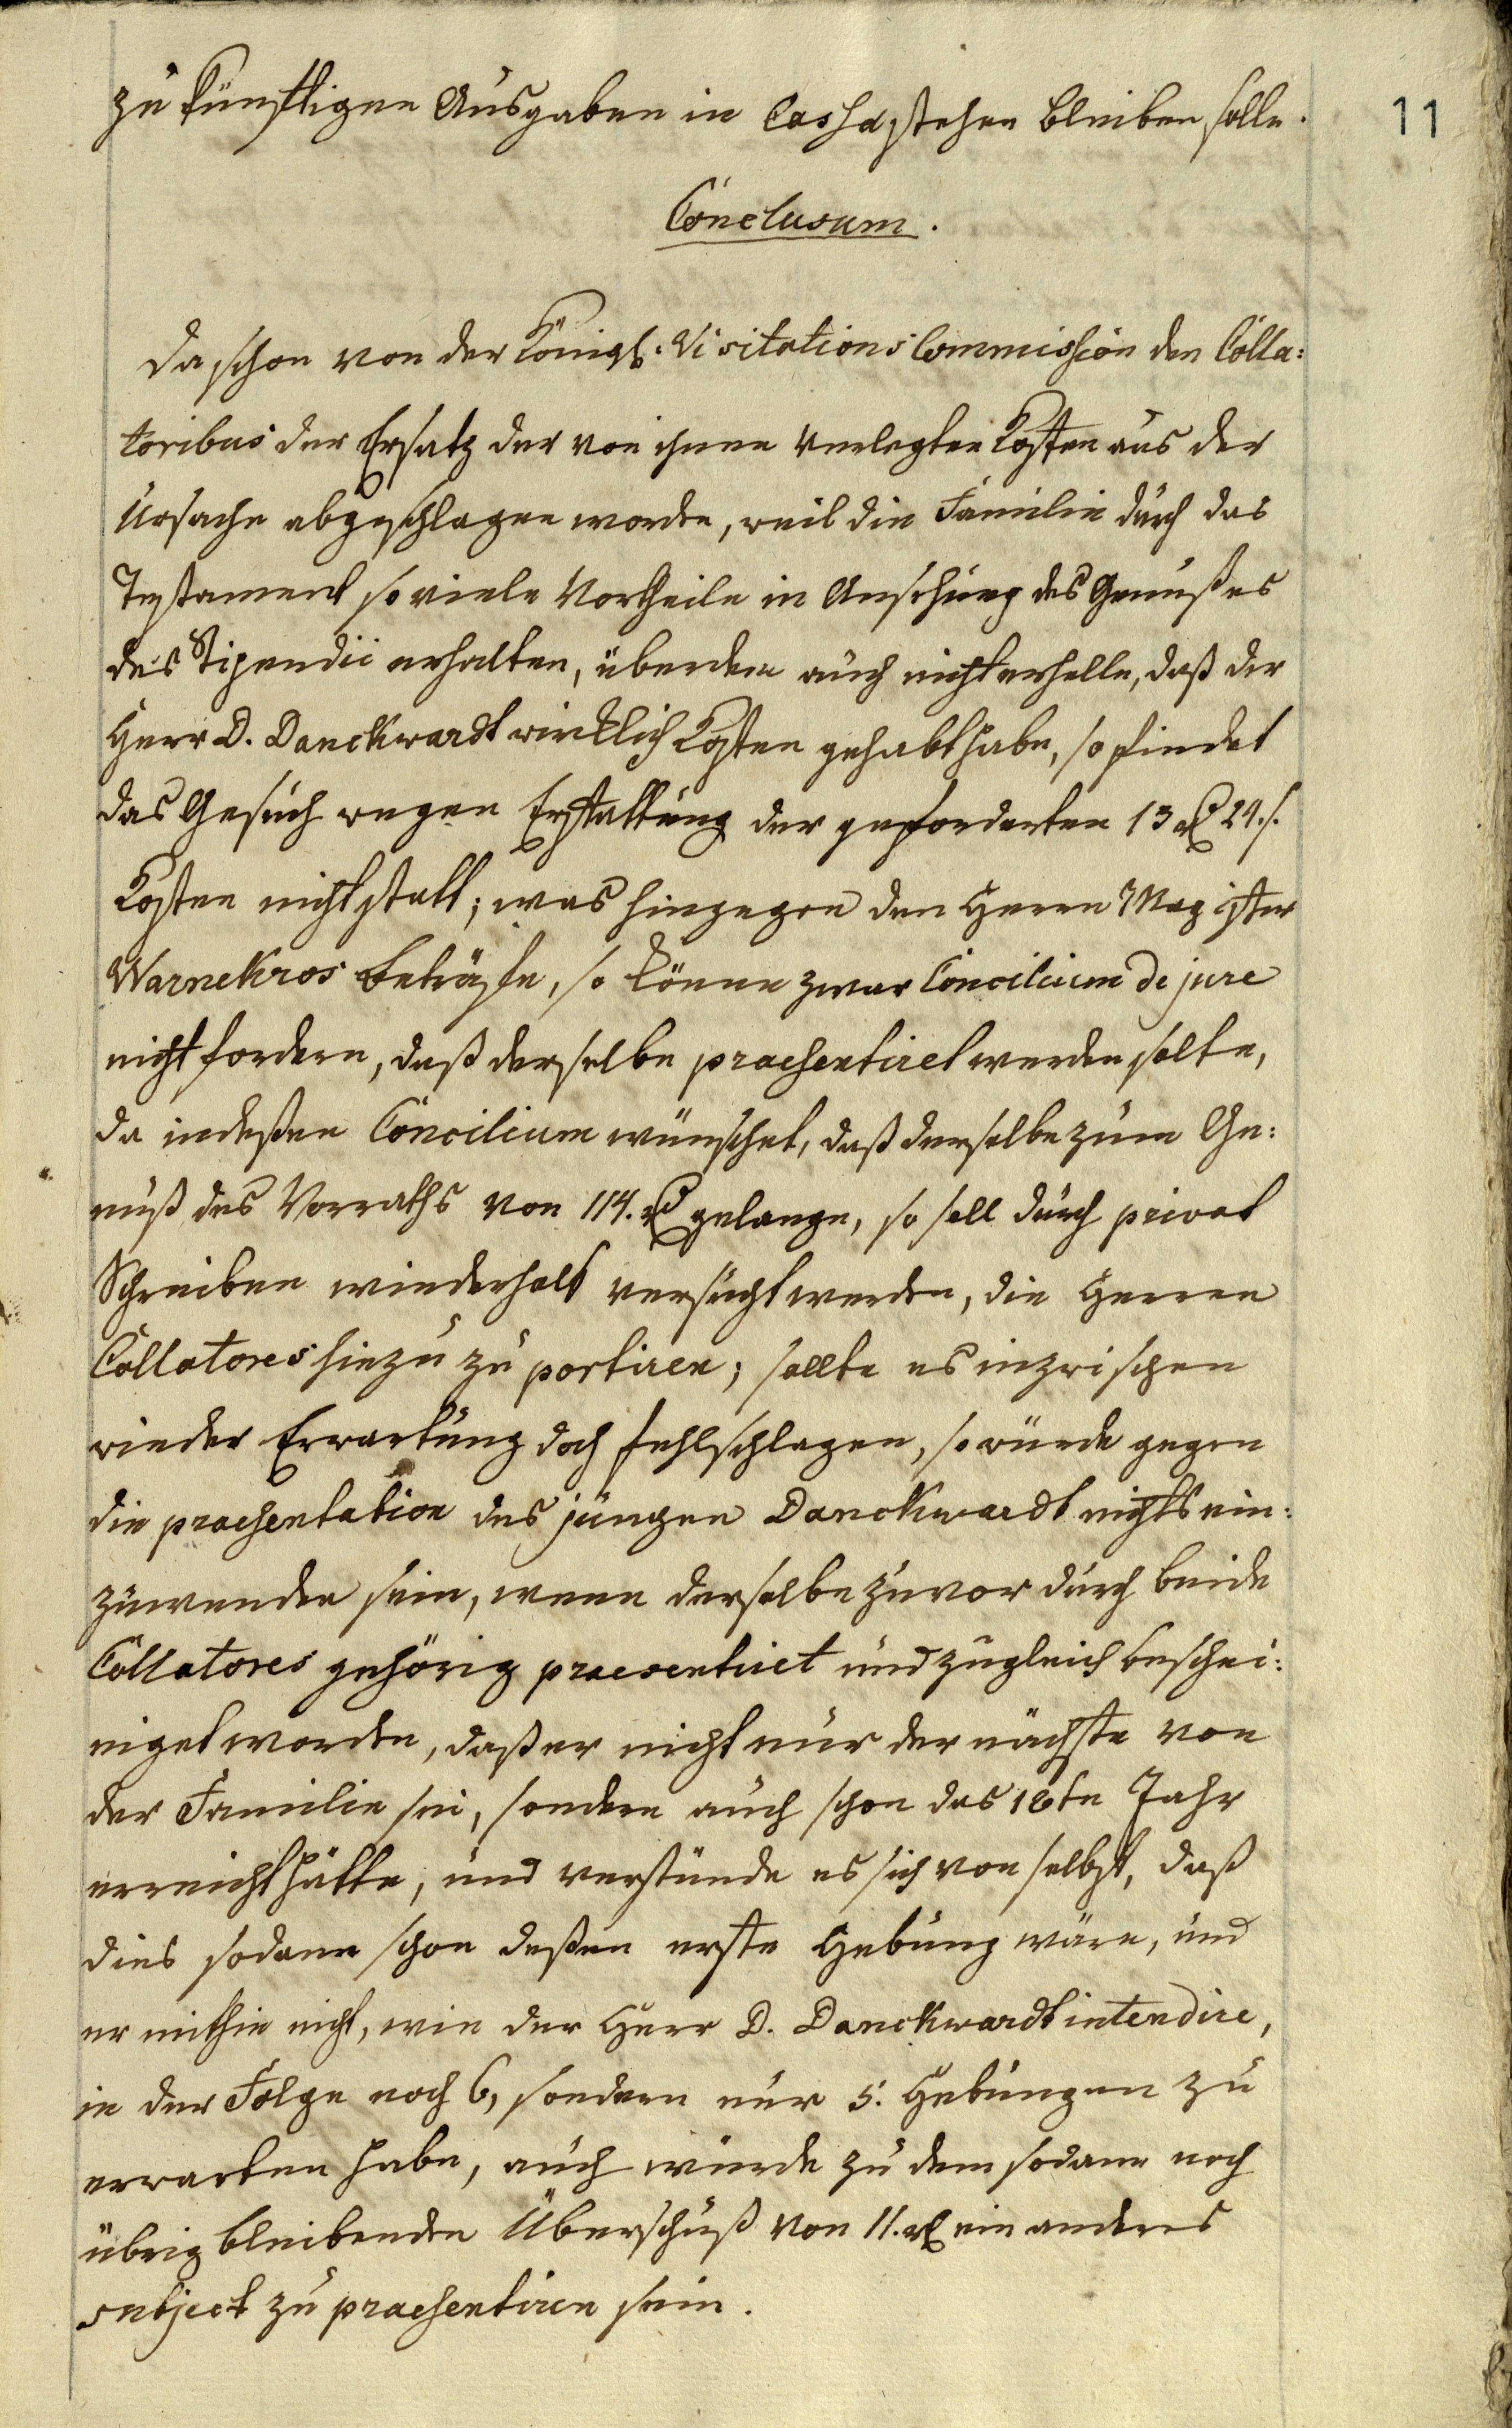zukünftigen Ausgaben in cassa stehen bleiben solle.
Conclusum
da schon von der Königl. Visitations Commission den Colla¬
toribus der Ersatz der von ihnen verlegten Kosten aus der
Ursache abgeschlagen worden, weil die Familie durch das
Testament so viele Vortheile in Ansehung des Genußes
des Stipendii erhalten, überdem auch nicht erhelle, daß der
Herr D. Danckwardt wirklich Kosten gehabt habe, so findet
das Gesuch wegen Erstattung der geforderten 13 r. 21. s.
Kosten nicht statt; was hingegen den Herrn Magister
Warnekros beträfe, so könne zwar Concilium de jure
nicht fordern, daß derselbe praesentiret werden solte,
da indeßen Concilium wünschet, daß derselbe zum Ge¬
nuß des Vorraths von 114. r. gelange, so soll durch privat
Schreiben wiederholt versucht werden, die Herren
Collatores hiezu zu portiren, sollte es inzwischen
wieder Erwartung doch fehlschlagen, so würde gegen
die praesentation des jungen Danckwardt nichts ein¬
zuwenden sein, wenn derselbe zuvor durch beide
Collatores gehörig praesentiret und zugleich beschei¬
niget worden, daß er nicht nur der nächste von
der Familie sei, sondern auch schon das 18 te Jahr
erreicht hätte,und verstünde es sich von selbst, daß
dies sodann schon deßen erste Hebung wäre, und
er mithin nicht, wie der Herr D. Danckwardt intendire,
in der Folge noch 6, sondern nur 5. Hebungen zu
erwarten habe, auch würde zu dem sodann noch
übrig bleibenden Überschuß von 11. r. ein anderes
subject zu praesentiren sein.